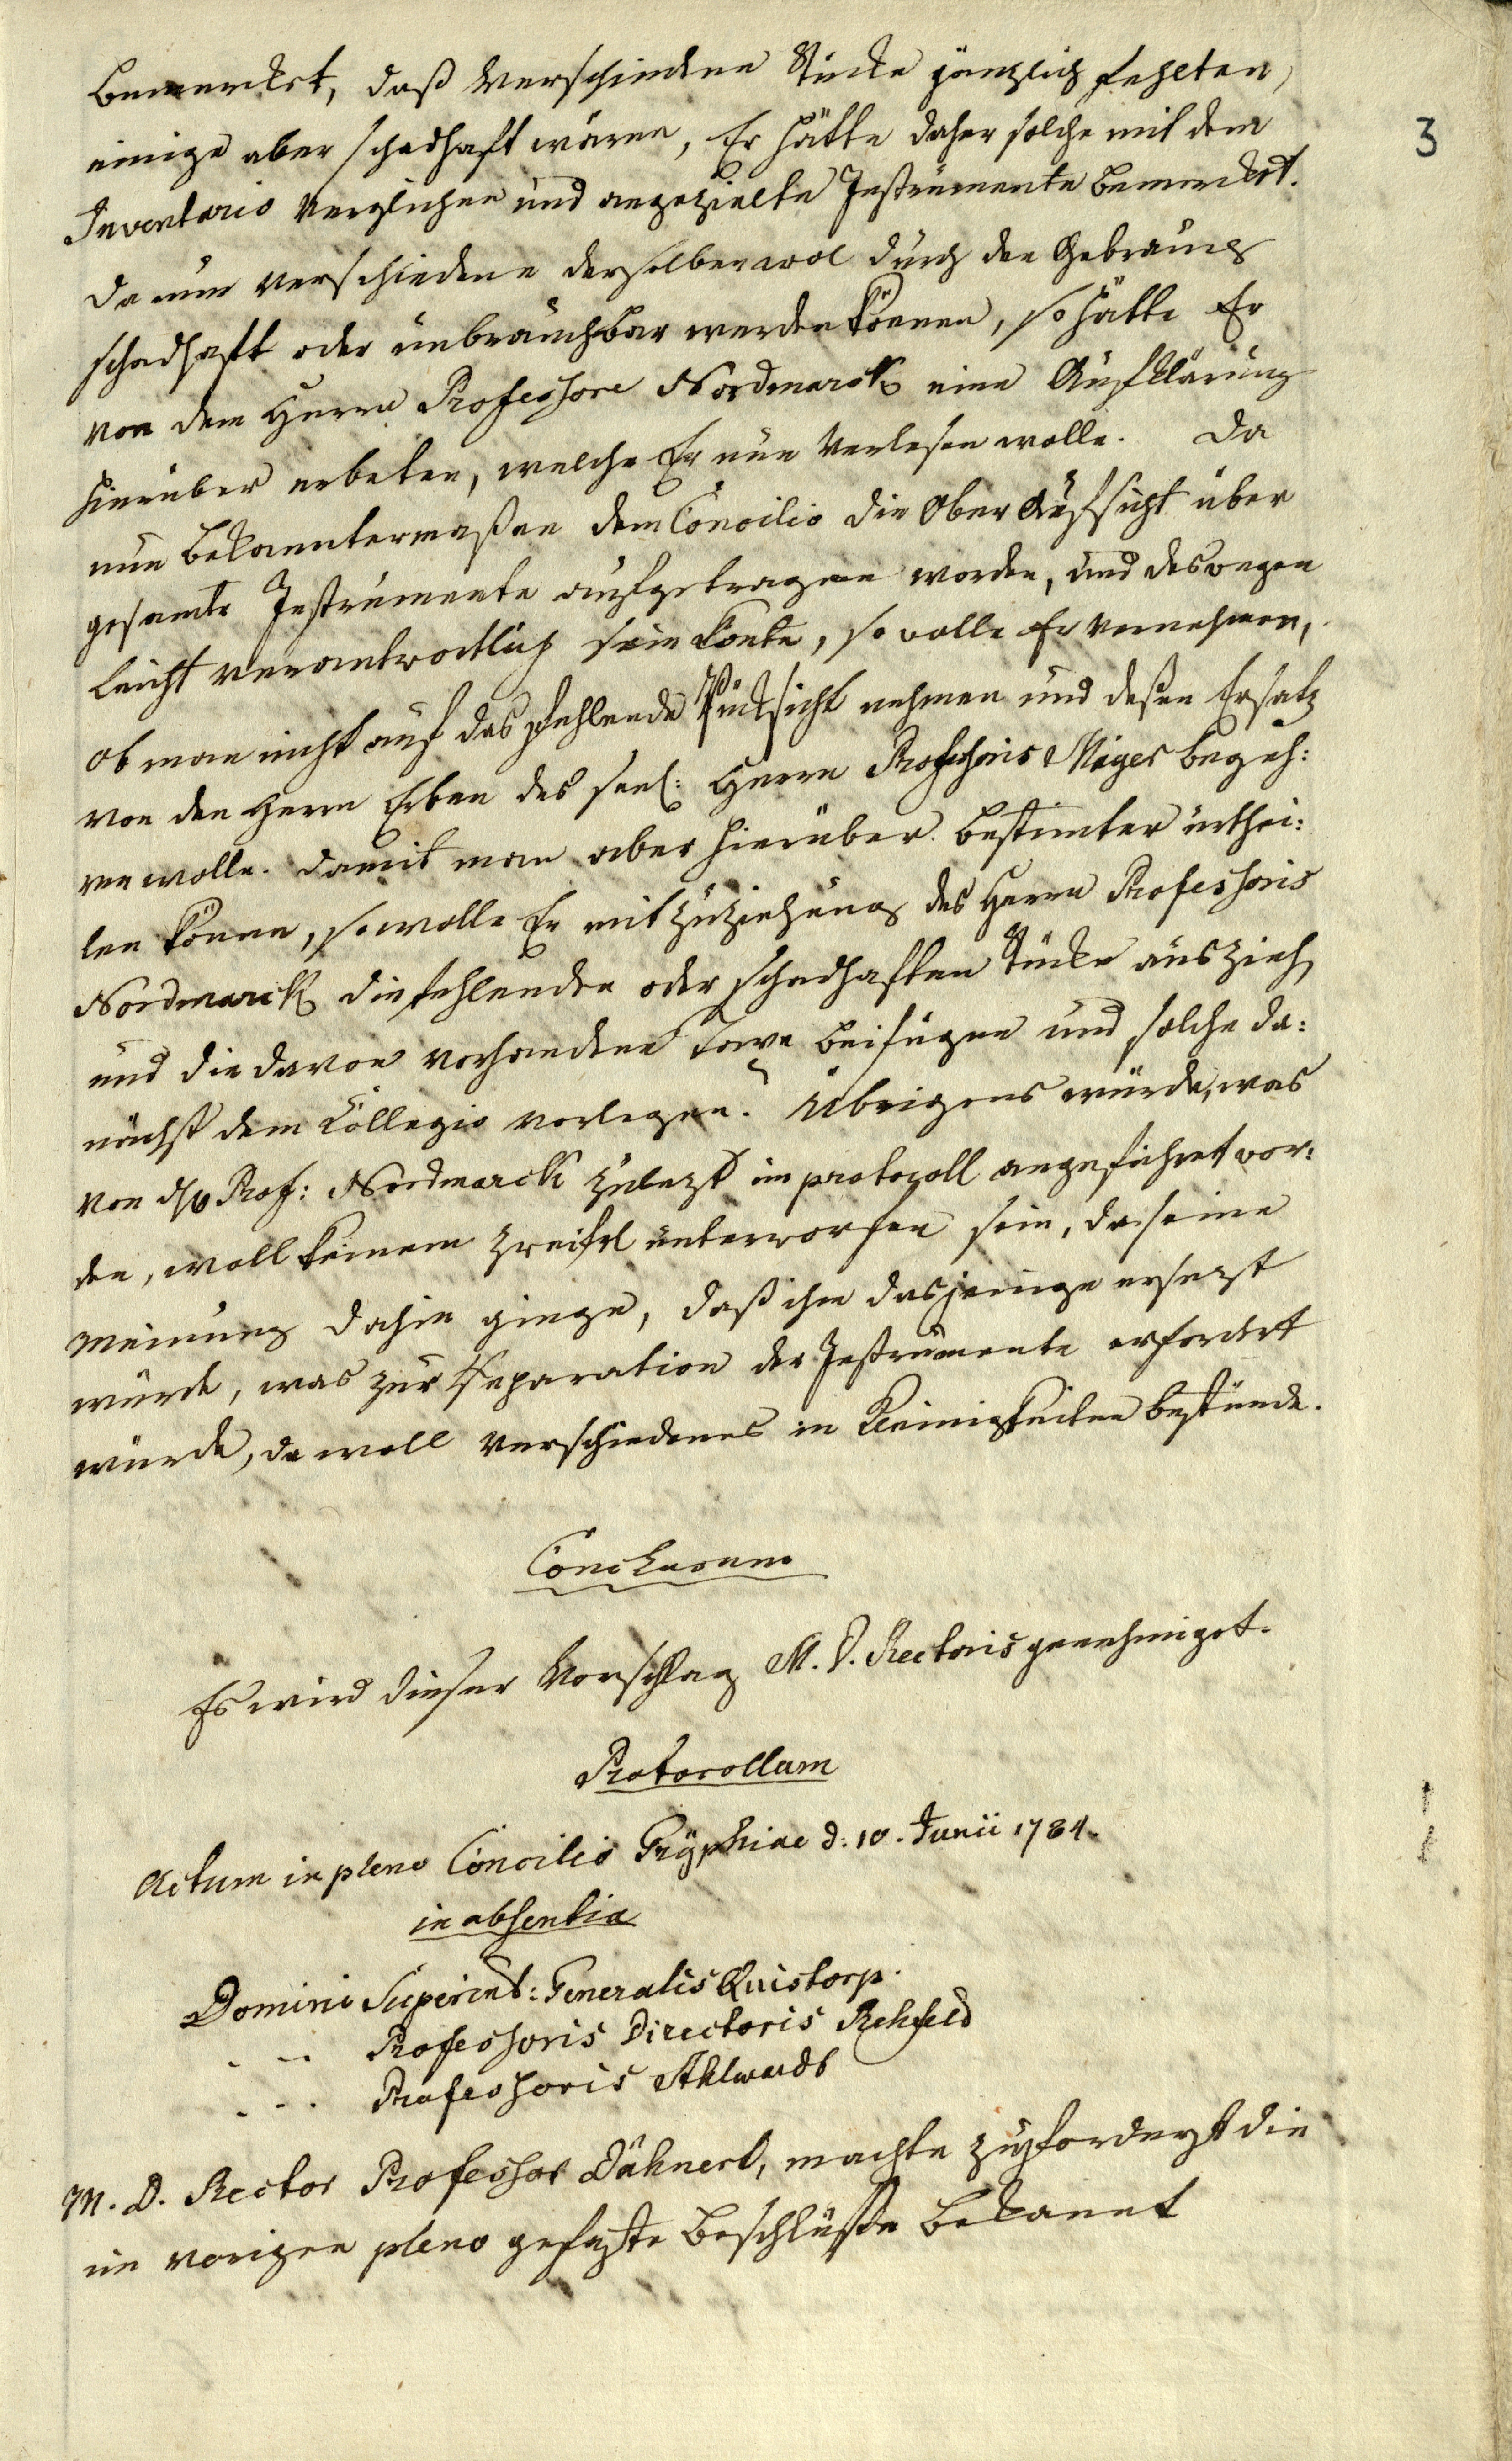bemercket, daß verschiedene Stücke gänzlich fehlten,
einige aber schadhaft wären, Er hätte daher solche mit dem
Inventario verglichen und angezielte Instrumente bemercket.
da nun verschiedene derselben wol durch den Gebrauch
schadhaft oder unbrauchbar werden können, so hätte Er
von dem Herrn Professor Nordmarck eine Aufklärung
hierüber erbeten, welche Er nun verlesen wolle. Da
nun bekanntermaßen dem Concilio die Ober Aufsicht über
gesamte Instrumente aufgetragen worden, und deswegen
leicht verantwortlich sein könte, so wolle Er vernehmen,
ob man nicht auf das fehlende Rücksicht nehmen und deßen Ersatz
von den Herrn Erben des seel. Herrn Professoris Maÿer begeh¬
ren wolle. Damit man aber hierüber bestimter urthei¬
len könne, so wolle Er mit Zuziehung des Herrn Professoris
Nordmarck die fehlenden oder schadhaften Stücke auszieh
und die davon vorhandene Taxe beifügen und solche da¬
nächst dem Collegio vorlegen. Übrigens würde, was
von dh Prof. Nordmarck zulezt im protocoll angeführet wor¬
den, woll keinem Zweifel unterworfen sein, da seine
Meinung dahin ginge, daß ihm dasjenige ersezt
würde, was zur Reparation der Instrumente erfordert
würde, da woll Verschiedenes in Kleinigkeiten bestünde.
Conclusum
Es wird dieser Vorschlag M. D. Rectoris genehmiget.
Protocollum
Actum in pleno Concilio Gryphiae d. 10. Junii 1784.
in absentia
Domini Superint. Generalis Quistorp
Professoris, Directoris Rehfeld.
Professoris Ahlwardt.
M. D. Rector Professor Dähnert, machte zuforderst die
im vorigen pleno gefaste Beschlüße bekannt.